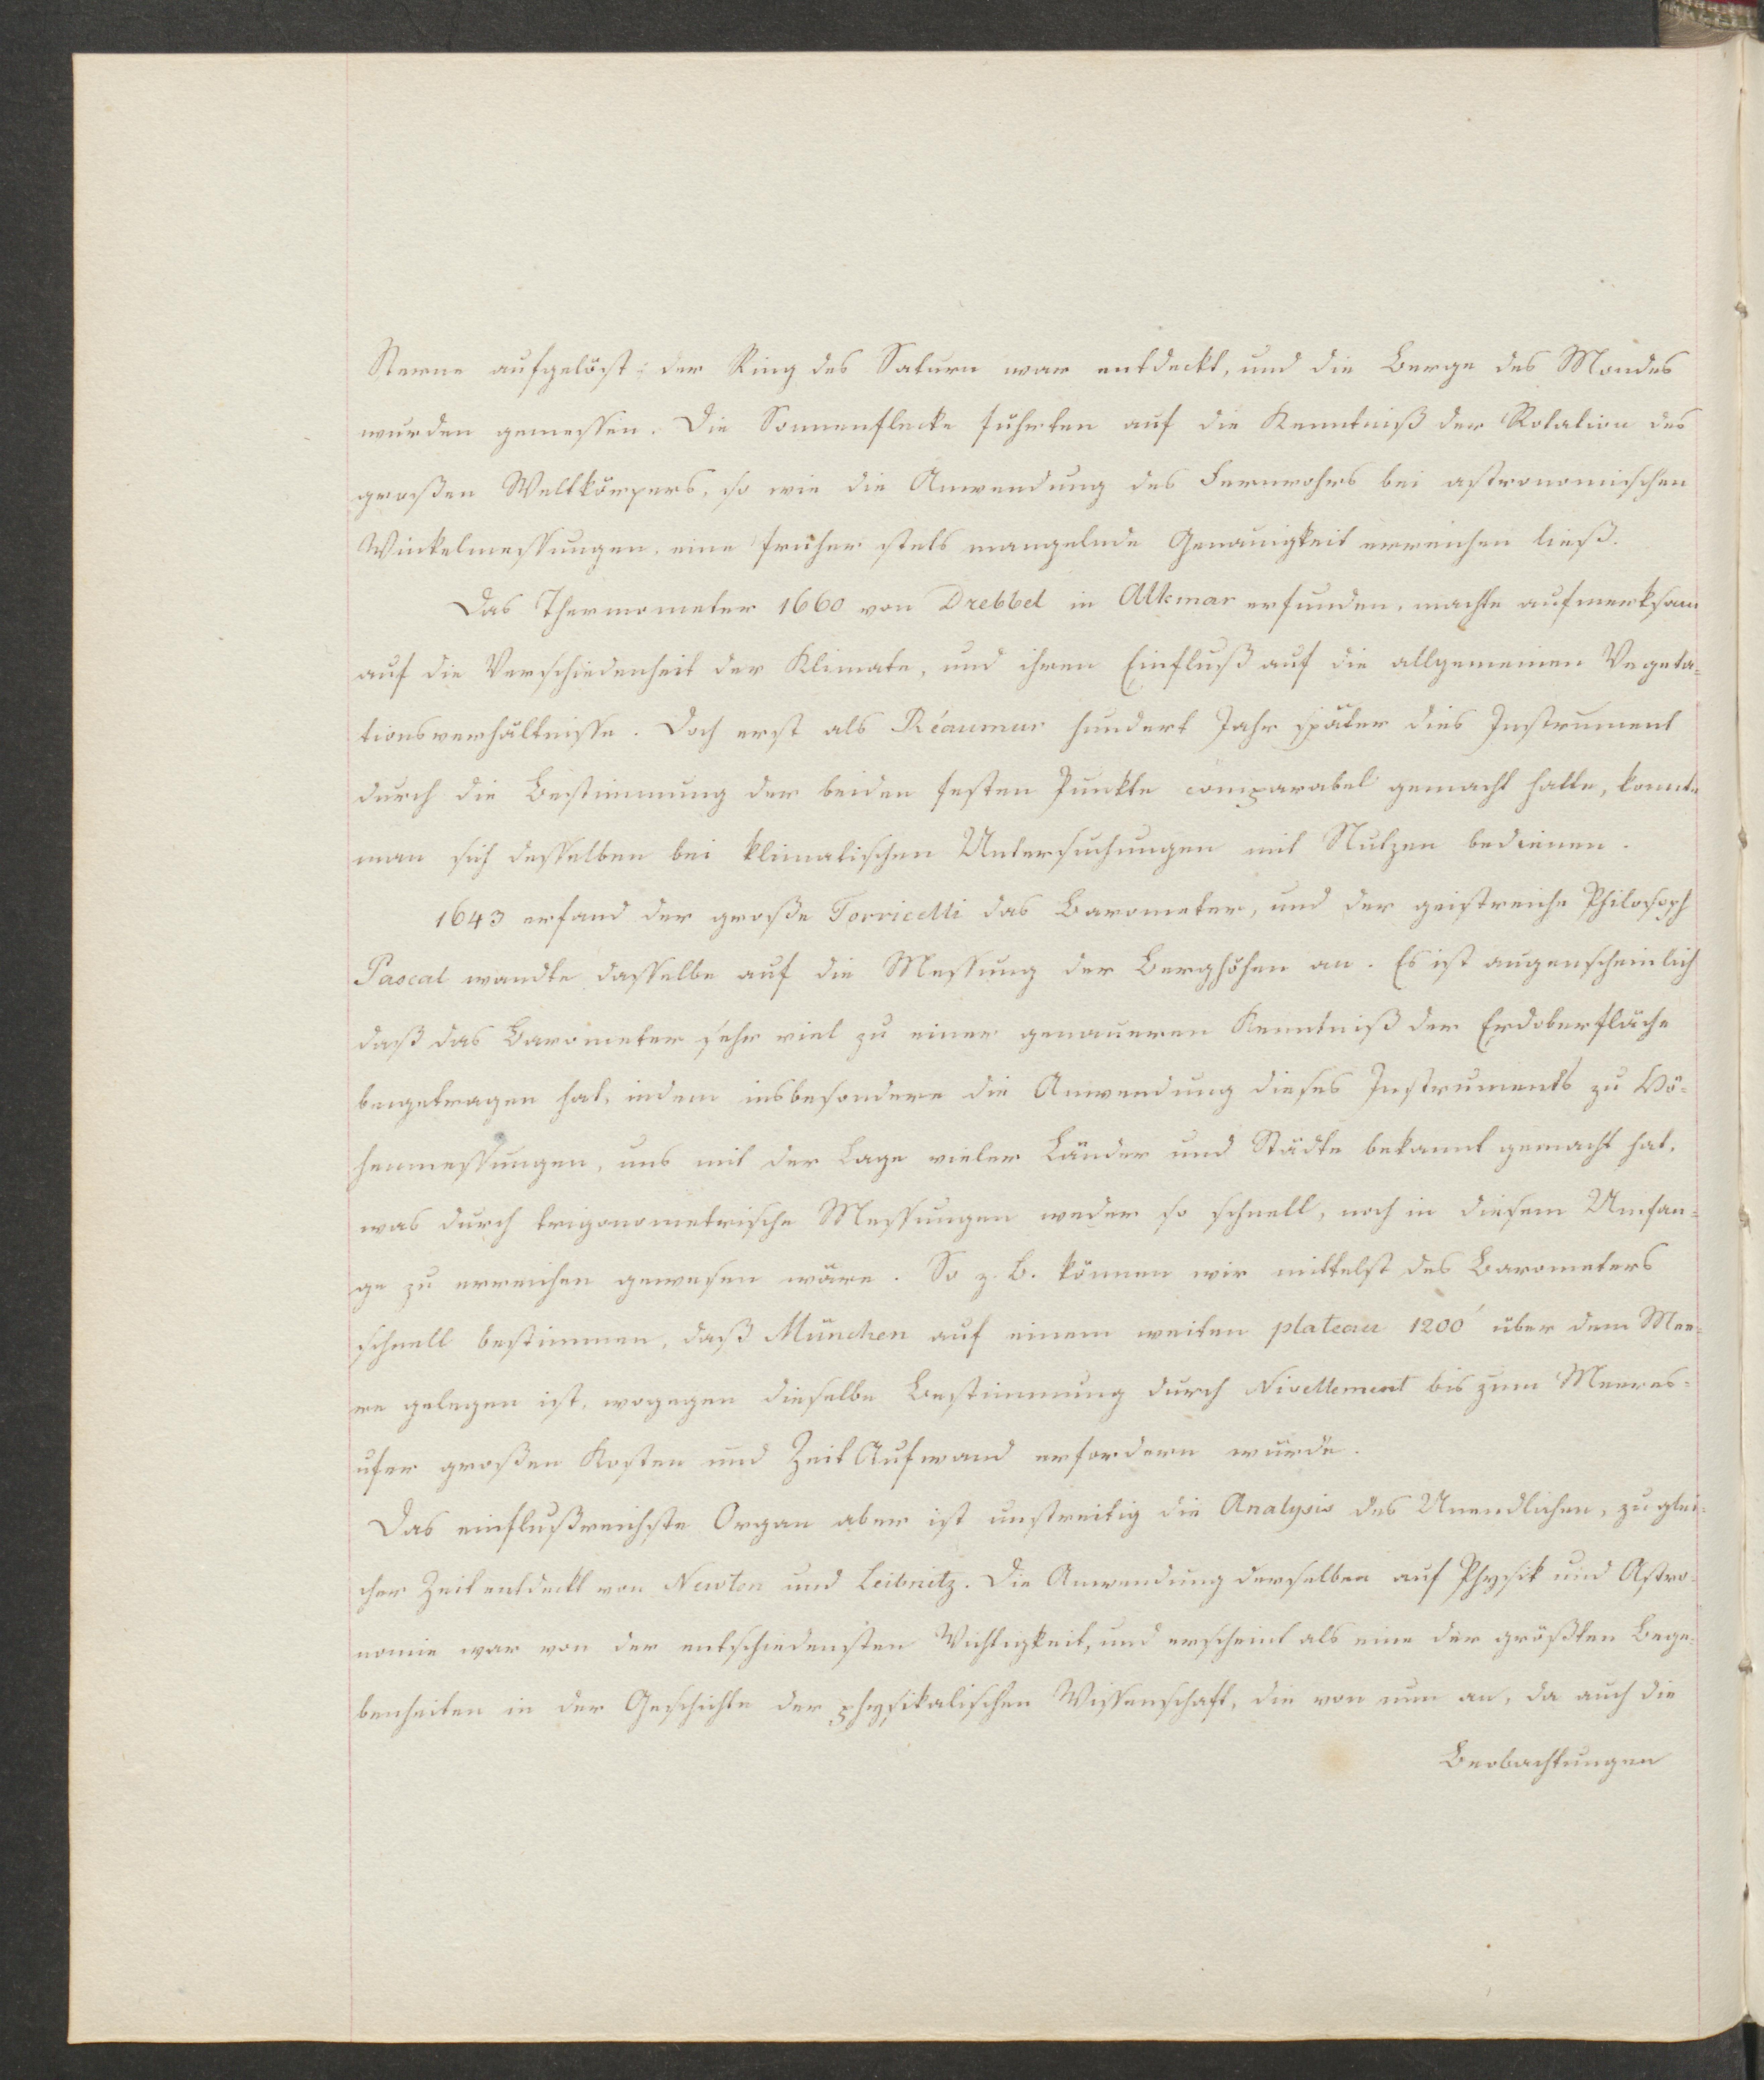Sterne aufgelöst; der Ring des Saturn war entdeckt, und die Berge des Mondes
wurden gemessen. Die Sonnenflecke führten auf die Kenntniß der Rotation des
großen Weltkörpers, so wie die Anwendung des Fernrohrs bei astronomischen
Winkelmessungen, eine früher stets mangelnde Genauigkeit erreichen ließ.
Das Thermometer 1660 von Drebbel in Alkmar erfunden, machte aufmerksam
auf die Verschiedenheit der Klimate, und ihren Einfluß auf die allgemeinen Vegeta-
tionsverhältnisse. Doch erst als Réaumur hundert Jahr später dies Instrument
durch die Bestimmung der beiden festen Punkte comparabel gemacht hatte, konnte
man sich desselben bei klimatischen Untersuchungen mit Nutzen bedienen.
1643 erfand der große Torricelli das Barometer, und der geistreiche Philosoph
Pascal wandte dasselbe auf die Messung der Berghöhen an. Es ist augenscheinlich
daß das Barometer sehr viel zu einer genaueren Kenntniß der Erdoberfläche
beigetragen hat, indem insbesondere die Anwendung dieses Instruments zu Hö-
henbestimmungen, uns mit der Lage vieler Länder und Städte bekannt gemacht hat,
was durch trigonometrische Messungen weder so schnell, noch in diesem Umfan-
ge zu erreichen gewesen wäre. So z. B. können wir mittelst des Barometers
schnell bestimmen, daß München auf einem weiten plateau 1200′ über dem Mee-
re gelegen ist, wogegen dieselbe Bestimmung durch Nivellement bis zum Meeres-
ufer großen Kosten und Zeit Aufwand erfordern würde.
Das einflußreichste Organ aber ist unstreitig die Analysis des Unendlichen, zu glei-
cher Zeit entdeckt von Newton und Leibnitz. Die Anwendung derselben auf Physik und Astro-
nomie war von der entschiedensten Wichtigkeit, und erscheint als eine der größten Bege-
benheiten in der Geschichte der physikalischen Wissenschaft, die von nun an, da auch die
Beobachtungen